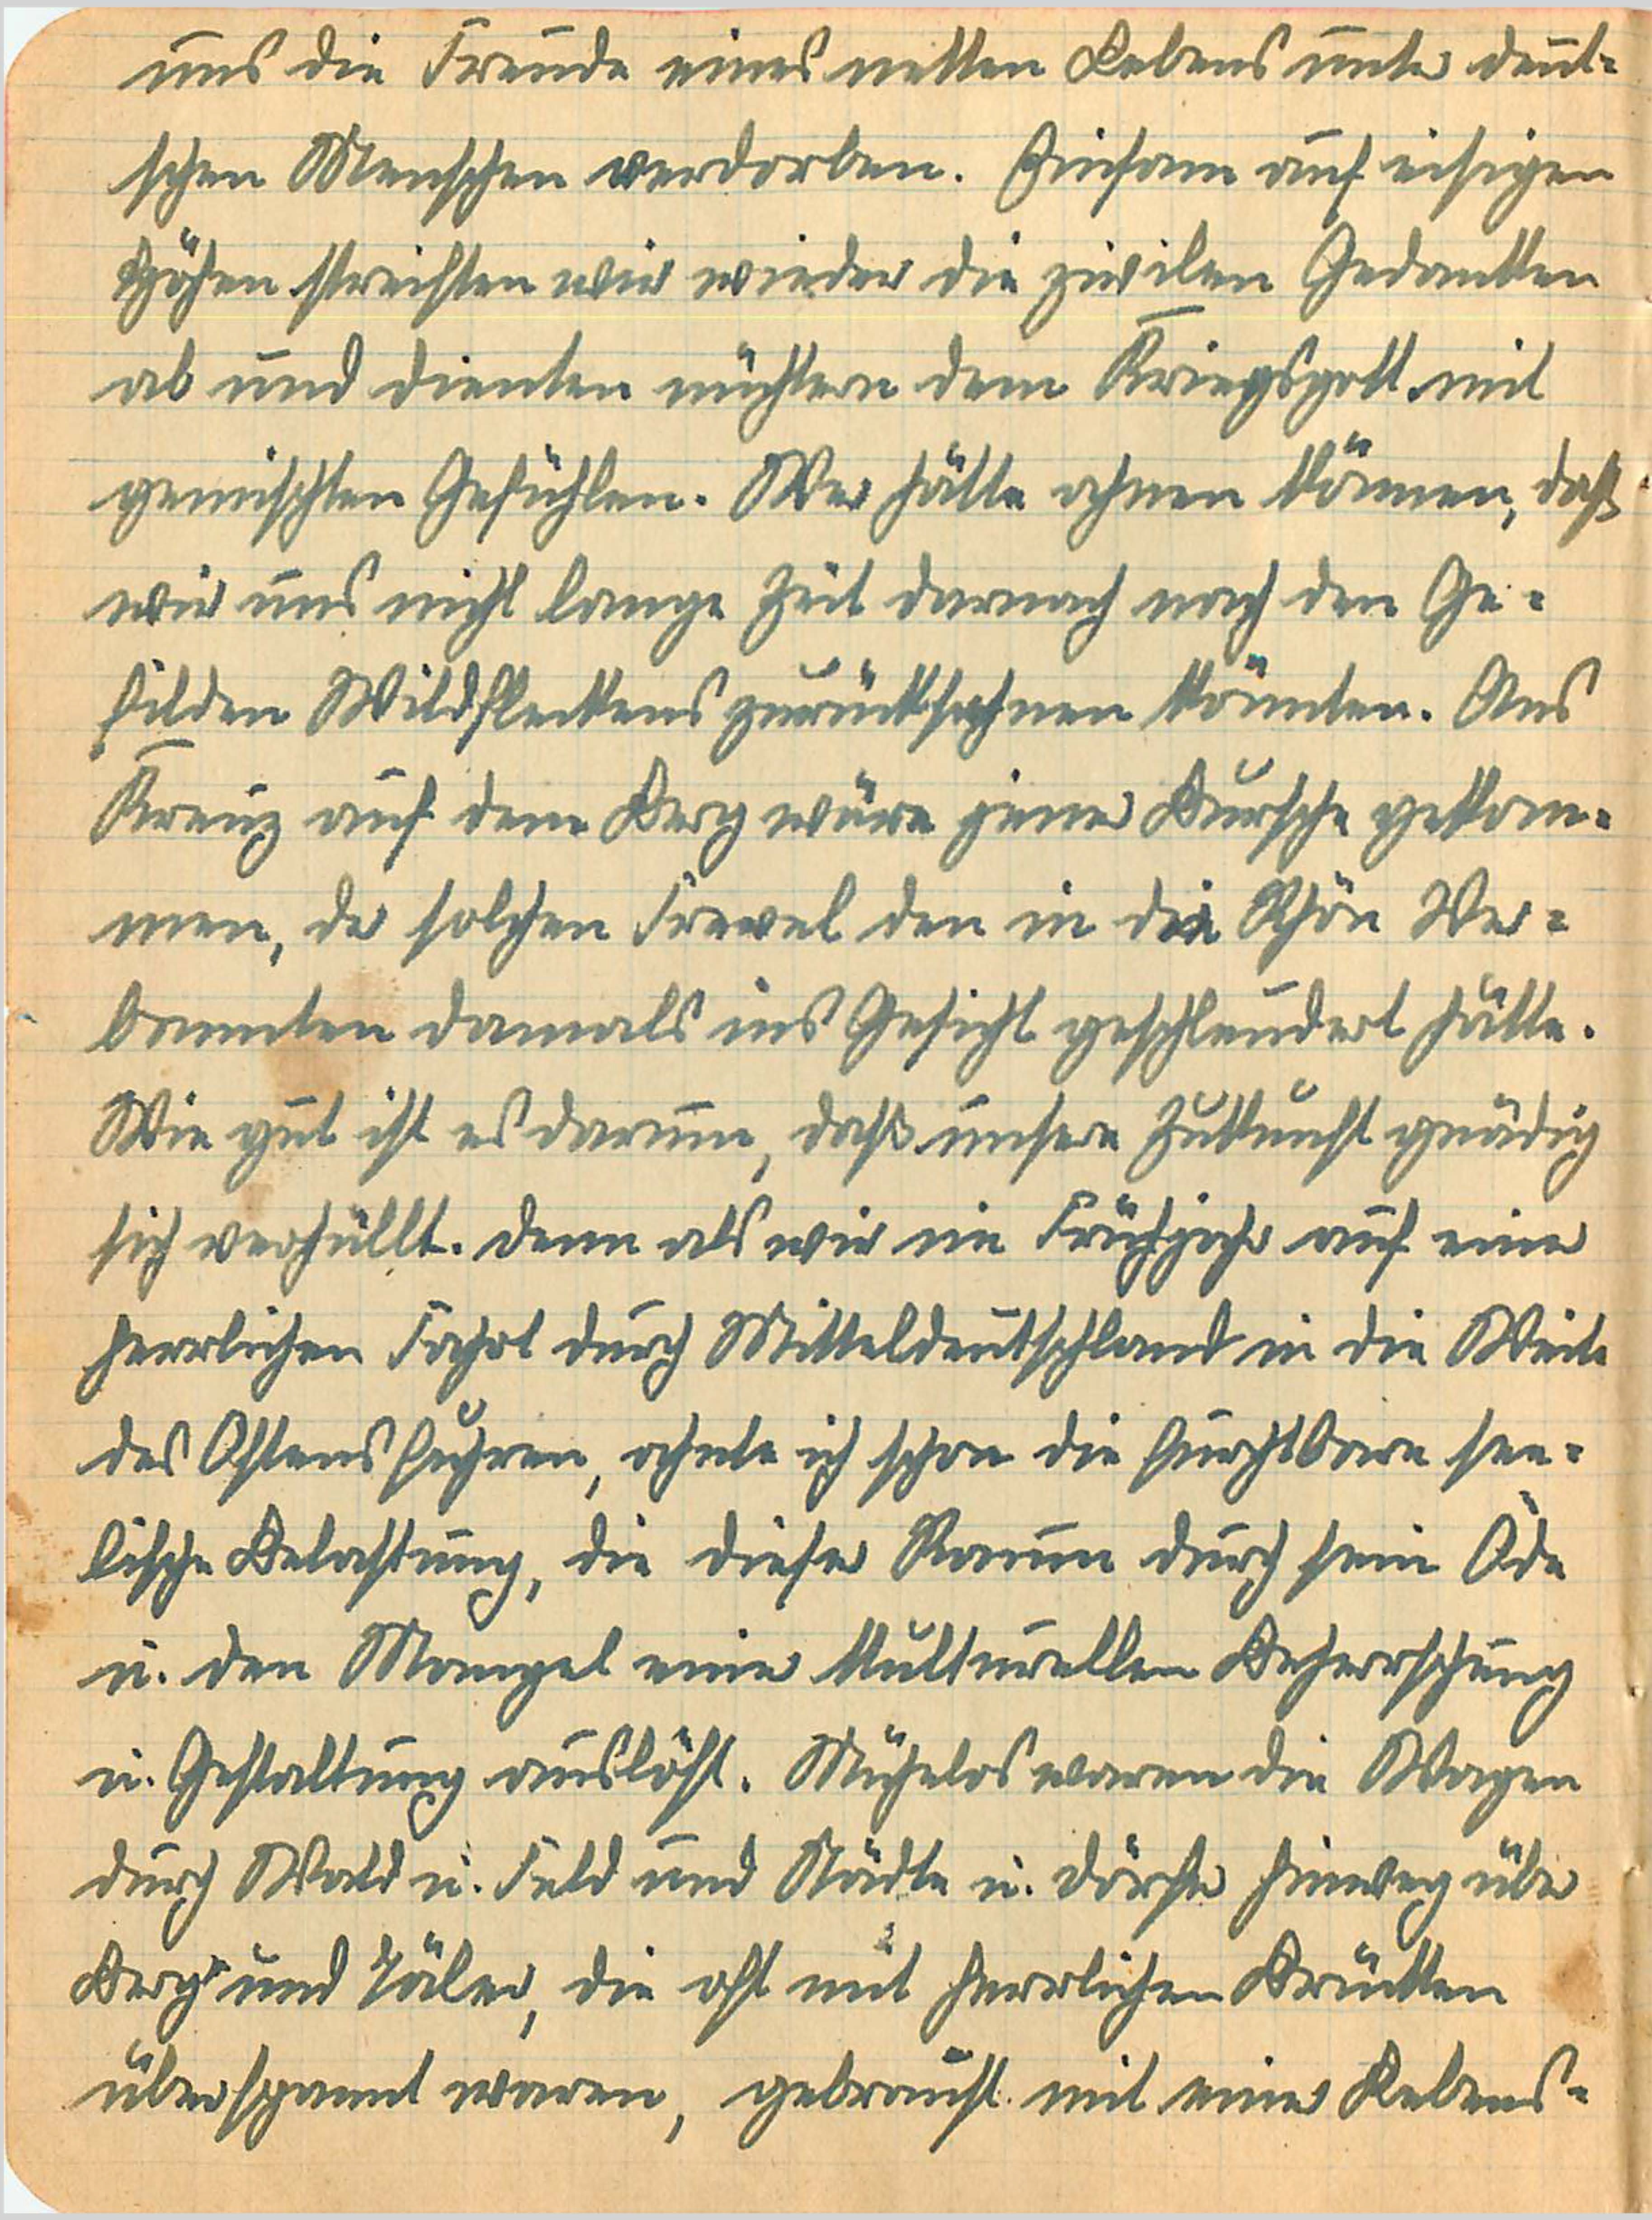uns die Freude eines netten Lebens unter deut-
schen Menschen verdorben. Einsam auf eisigen
Höhen streiften wir wieder die zivilen Gedanken
ab und dienten nüchtern dem Kriegsgott mit
gemischten Gefühlen. Wer hätte ahnen können, daß
wir uns nicht lange Zeit danach nach den Ge-
filden Wildfleckens zurücksehnen könnten. Ans
Kreuz auf dem Berg wär jener Bursche gekom-
men, der solchen Frevel den in die Rhön Ver-
bannten damals ins Gesicht geschleudert hätte.
Wie gut ist es darum, daß unsere Zukunft gnädig
sich verhüllt. Denn als wir im Frühjahr auf einer
herrlichen Fahrt durch Mitteldeutschland in die Weite
des Ostens fuhren. ahnte ich schon die furchtbare see-
lische Belastung, die dieser Raum durch sein Öde
u. den Mangel einer kulturellen Beherrschung
u. Gestaltung auslöst. Mühelos waren die Wagen
durch Wald u. Feld und Städte u. Dörfer hinweg über
Berge und Täler, die oft mir herrlichen Brücken
überspannt waren, gebraust mit einer Lebens-